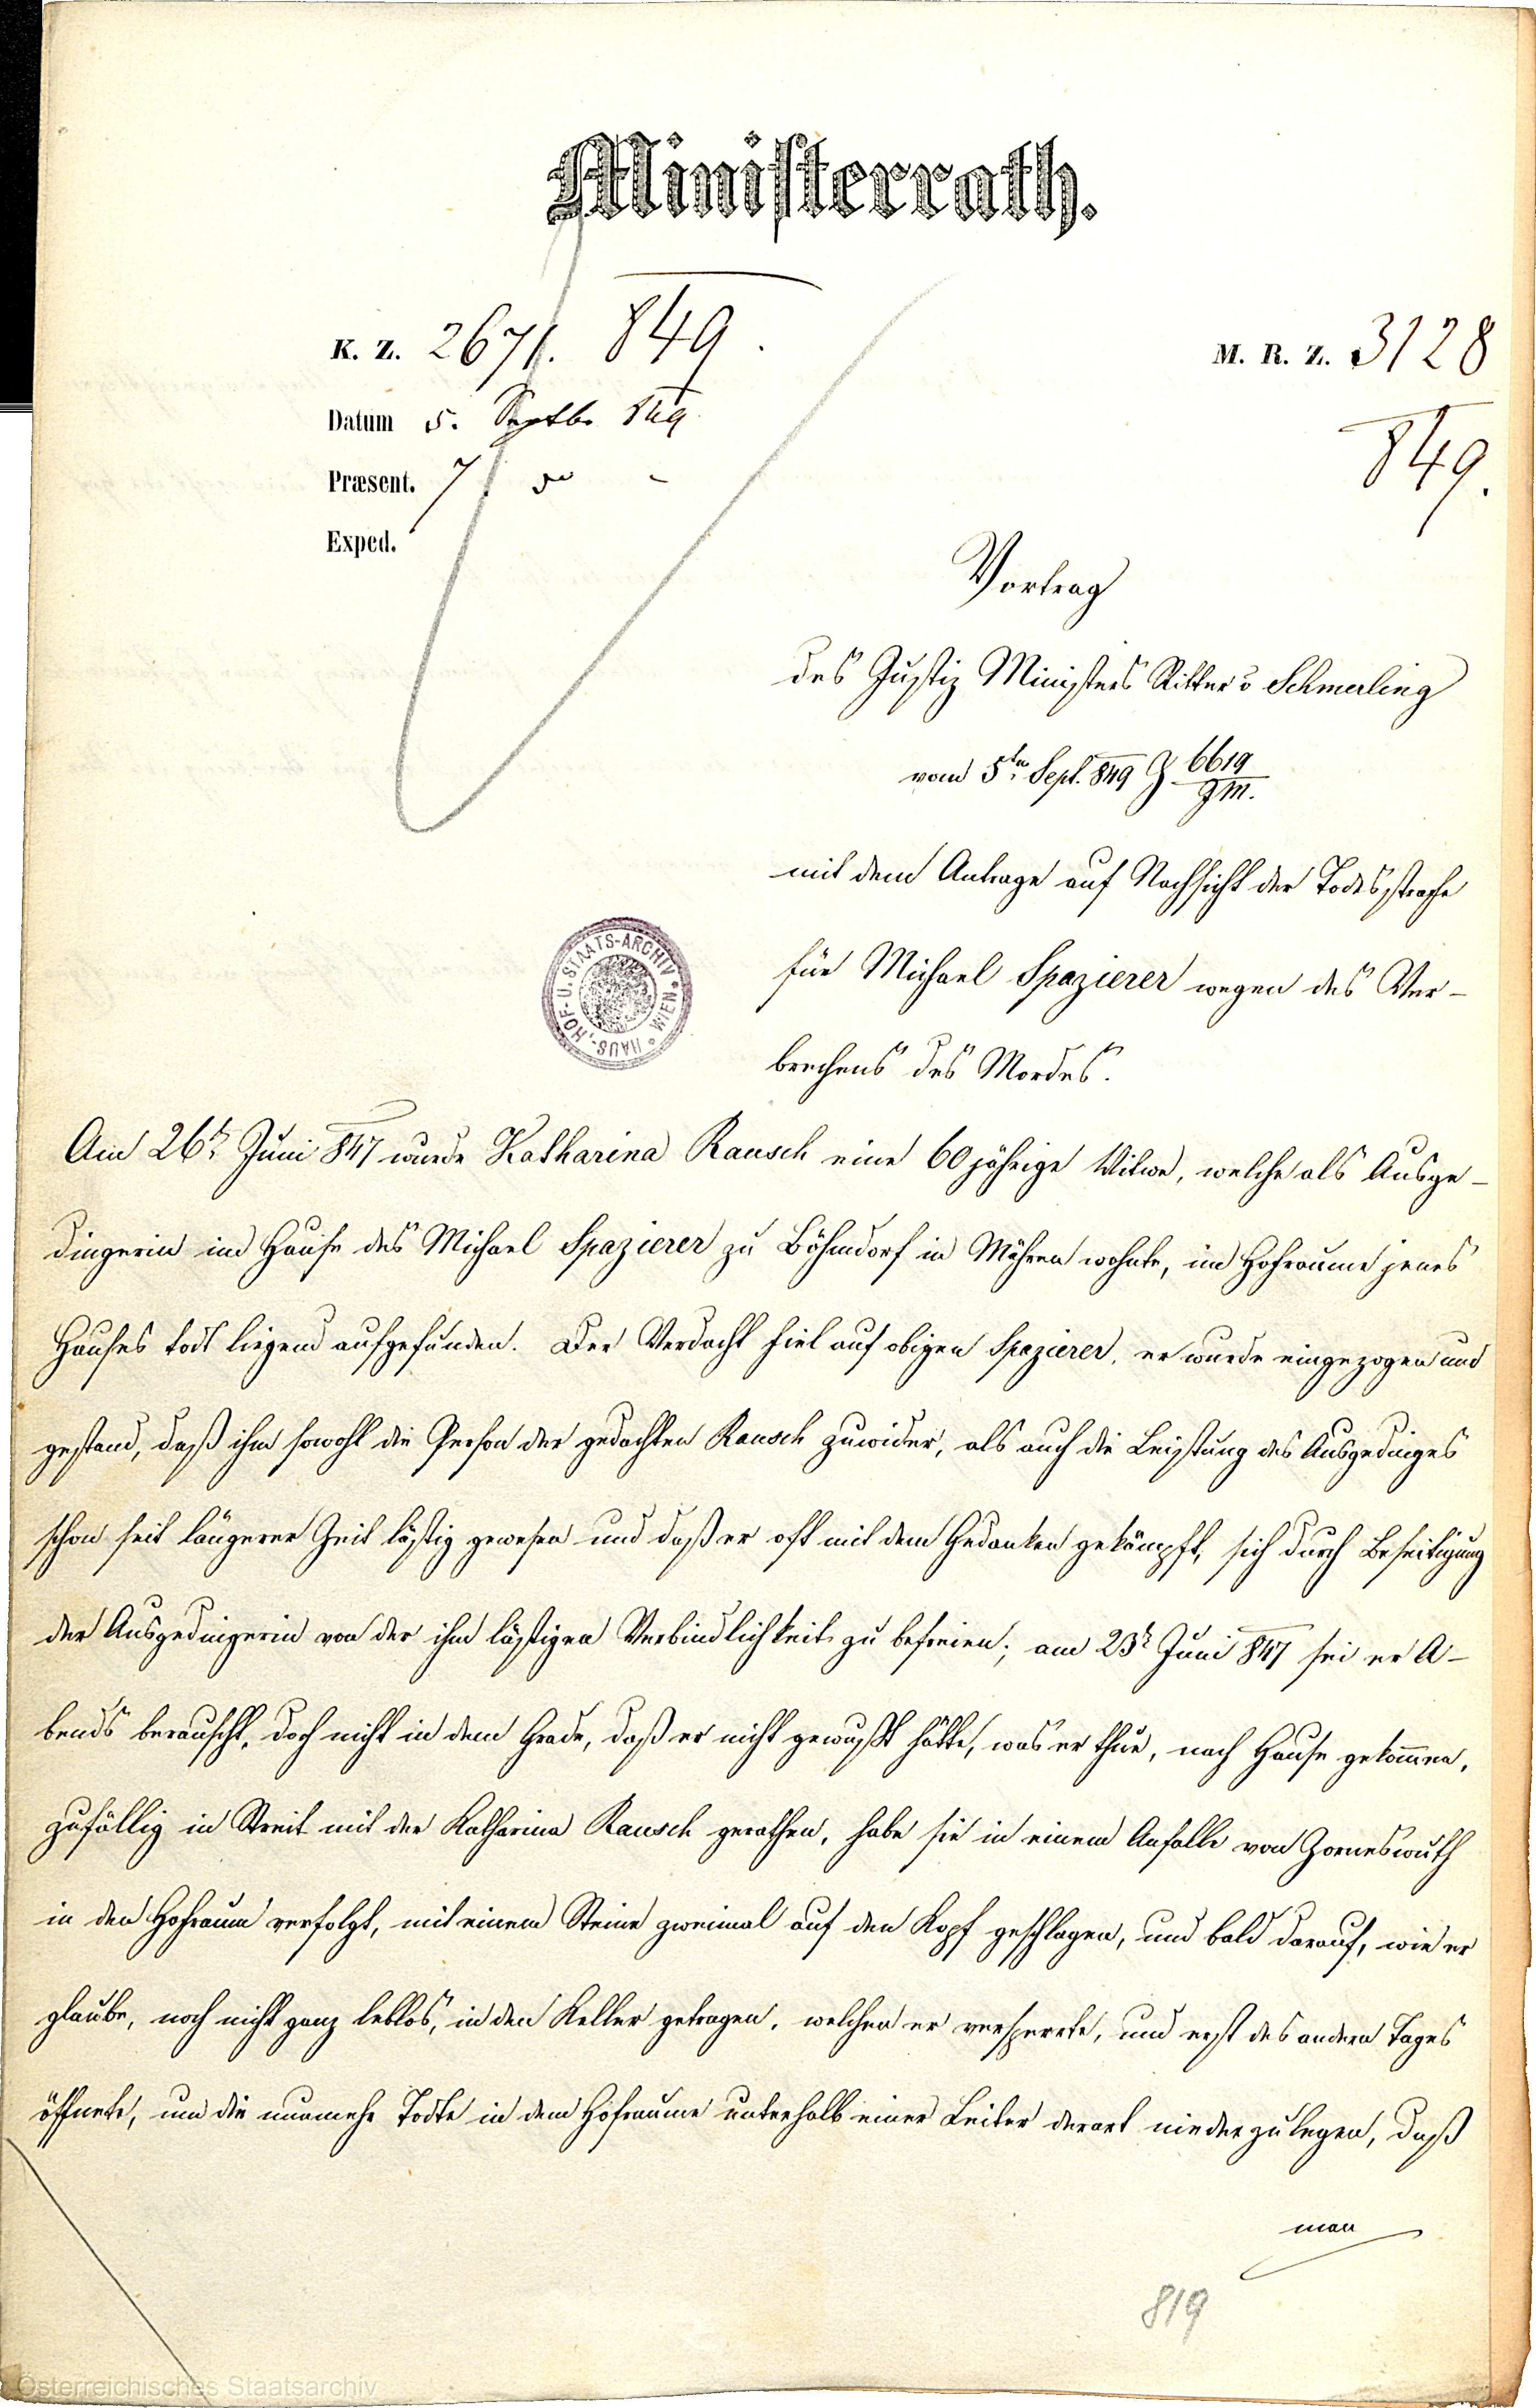Ministerrath
KZ 2671 [1]849
Datum 5. Septbr. 1849
Praesent 7. „ „
Exped.
MRZ 3128
849
Vortrag
des Justiz-Ministers Ritter v. Schmerling
vom 5te Sept. 849 Z 6619/
JM.
mit dem Antrage auf Nachsicht der Todesstrafe
für Michael Spazierer wegen des Ver¬
brechens des Mordes.
Am 26. Juni 847 wurde Katharina Rausch eine 60jährige Witwe, welche als Ausge¬
dingerin ins Hause des Michael Spazierer zu Böhmdorf in Mähren wohnte, im Hofraume jenes
Hauses todt liegend aufgefunden. Der Verdacht fiel auf obigen Spazierer, er wurde eingezogen und
gestand, daß ihm sowohl die Person der gedachten Rausch zuwider, als auch die Leistung des Ausgedinges
schon seit längerer Zeit lästig gewesen und daß er oft mit dem Gedanken gekämpft, sich durch Beseitigung
der Ausgedingerin von der ihm lästigen Verbindlichkeit zu befreien; am 23ten Juni 847 seit er A¬
bends berauscht, doch nicht in dem Grade, daß er nicht gewußt hätte, was er thun, nach Hause gekommen,
gefällig in Streit mit der Katharina Rausch gerathen, habe sie in einem Anfalle von Zorneswuth
in den Hofraum verfolgt, mit einem Steine zweimal auf den Kopf geschlagen, und bald darauf, wie er
glaube, noch nicht ganz leblos, in den Keller getragen, welchen er versperrte, und erst des anderen Tages
öffnete, um die nunmehr Todte in dem Hofraume unterhalb einer Leiter derart nieder zu legen, daß
man
819